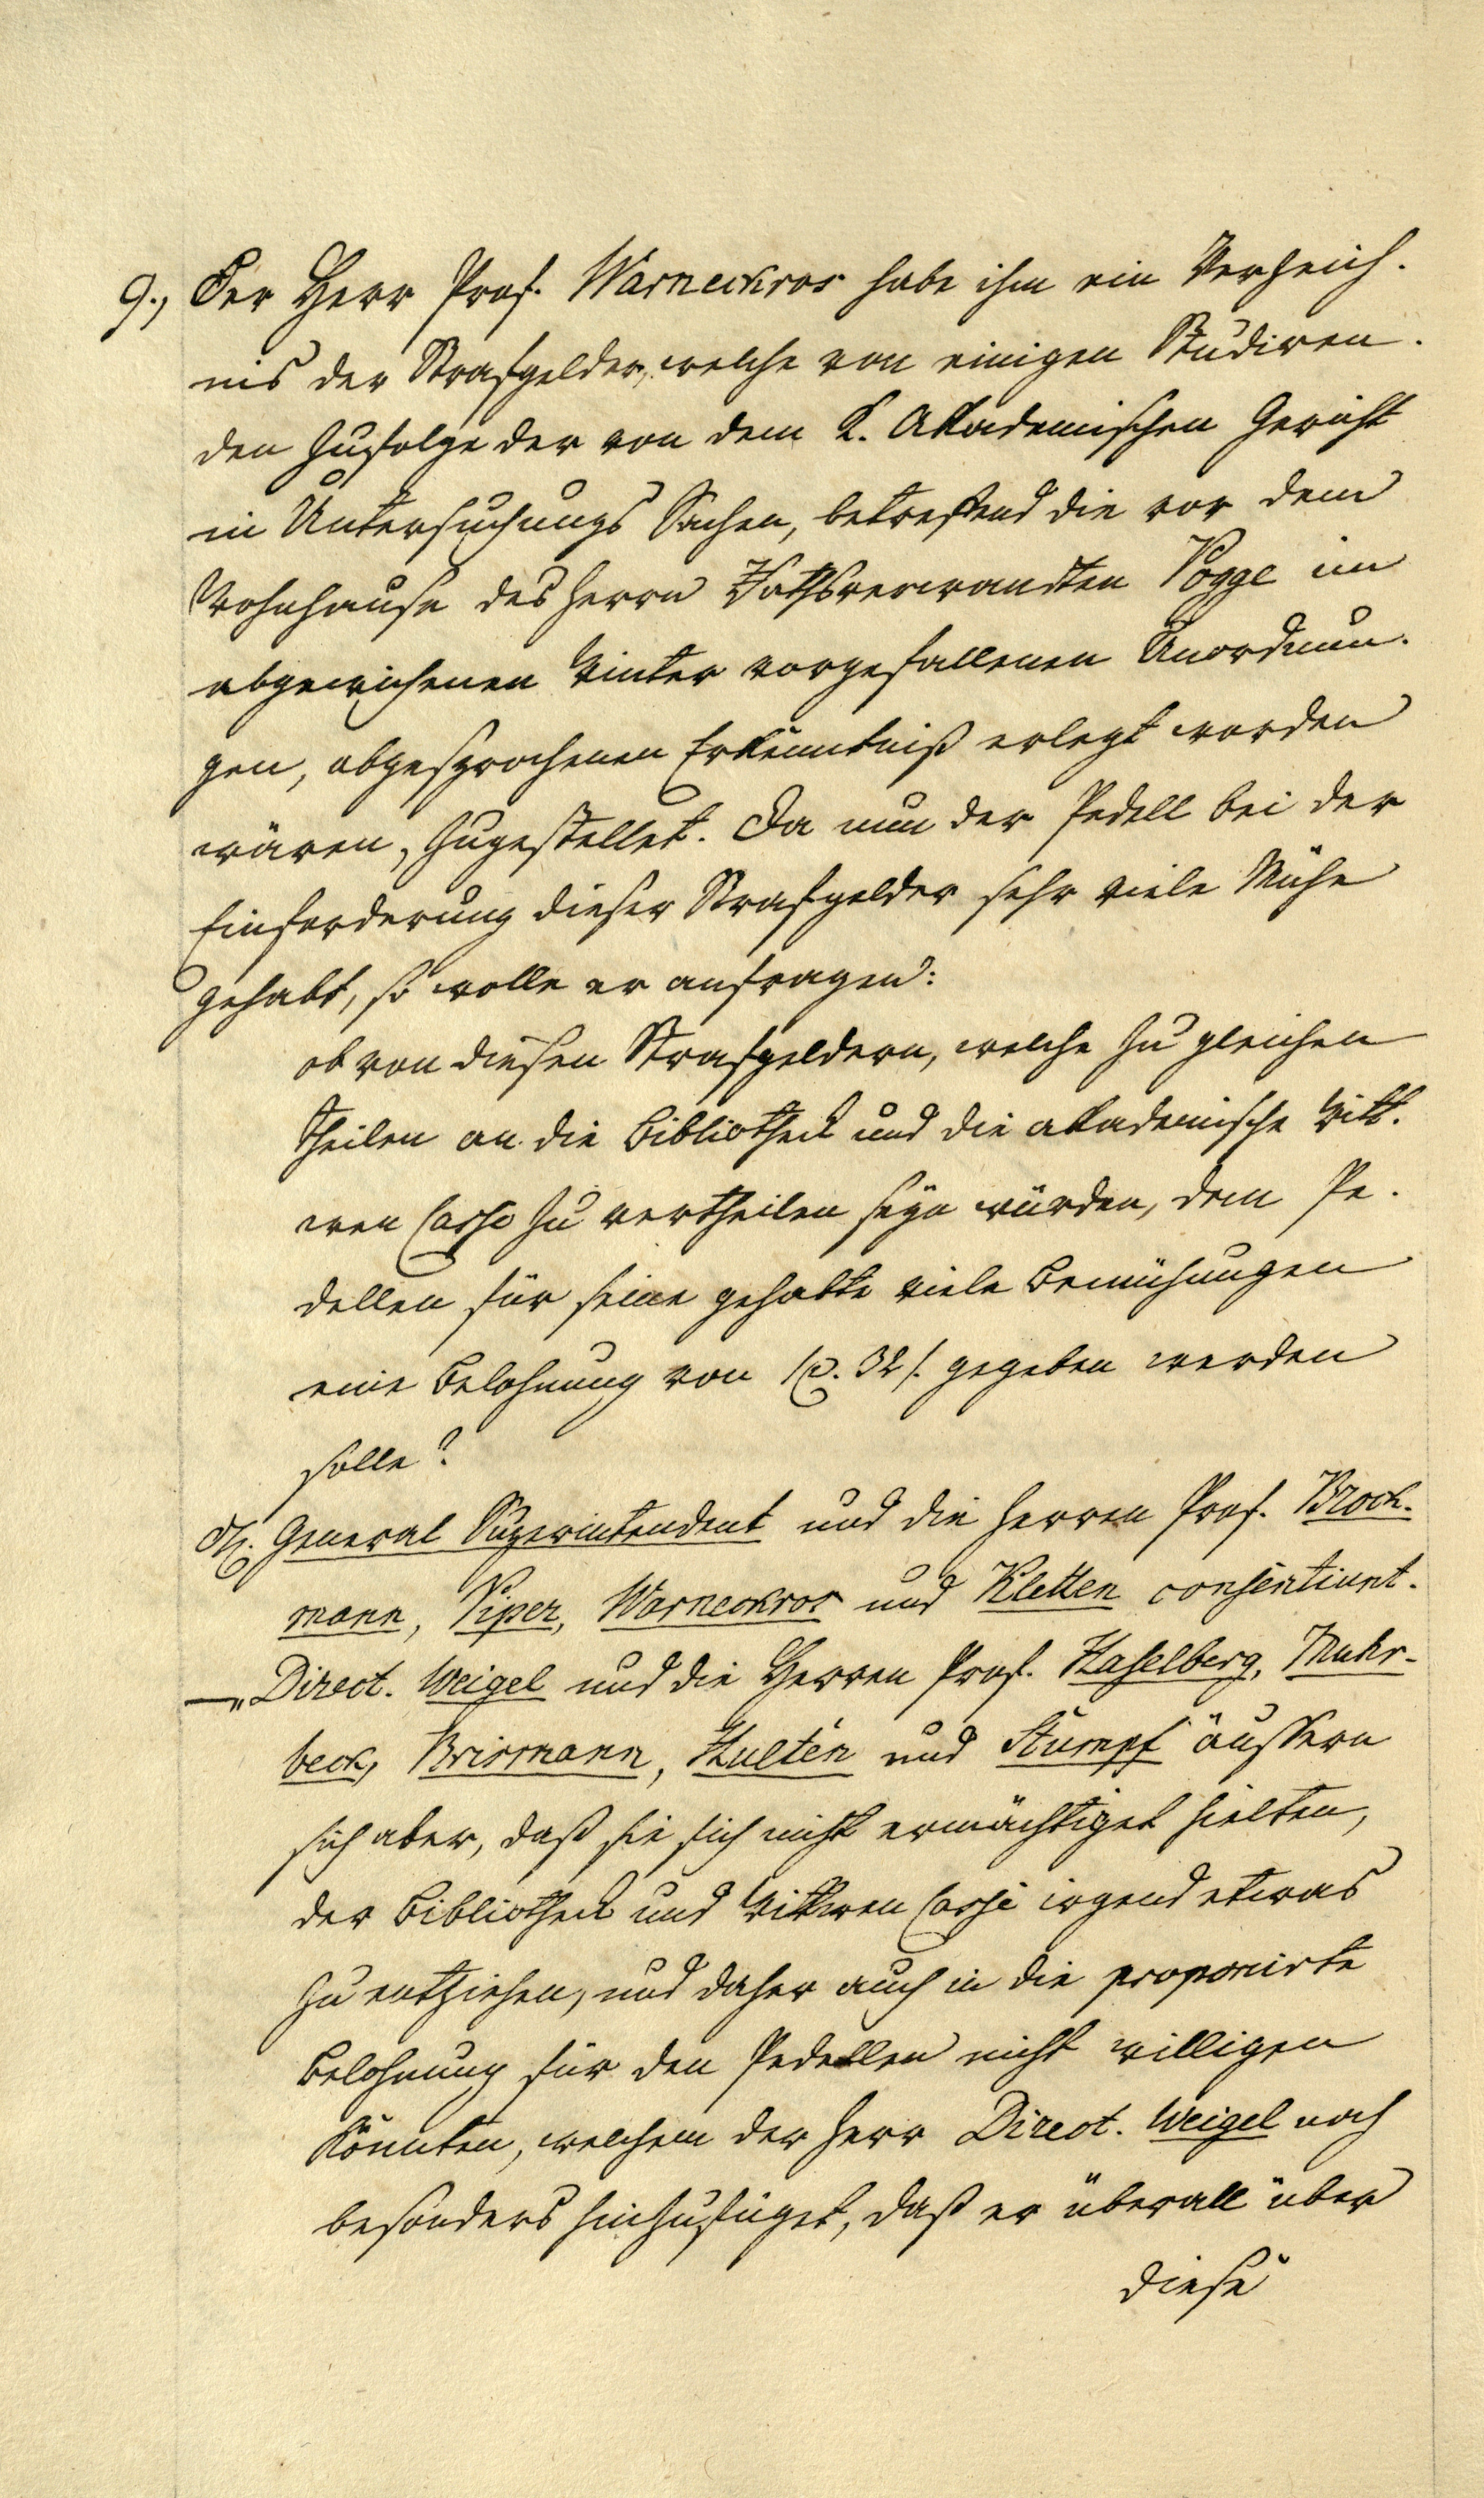9., Der Herr Prof. Warneckros habe ihm ein Verzeich¬
nis der Strafgelder, welche von einigen Studiren¬
den zufolge der von dem K. Akademischen Gericht
in Untersuchungs Sachen, betreffend die vor dem
Wohnhause des Herrn Rathsverwandten Pogge in
abgewichenen Winter vorgefallenen Unordnun¬
gen, abgesprochenen Erkentniß erlegt worden
wären, zugestellet. Da nun der Pedell bei der
Einforderung dieser Strafgelder sehr viele Mühe
gehabt, so wolle er anfragen:
ob von diesen Strafpgeldern, welche zu gleichen
Theilen an die Bibliotheck und die akademische Witt¬
wen Casse zu vertheilen seÿn würden, dem Pe¬
dellen für seine gehabte viele Bemühungen
eine Belohnung von 1 l. 32 s. gegeben werden
solle?
dh. General Superintendent und die Herren Prof. Brock¬
mann, Piper, Warneckros und Kletten consentiunt.
Direct. Weigel und die Herren Prof. Haselberg, Muhr¬
beck, Brismann, Hultén und Stumpf äussern
sich aber, daß sie sich nicht ermächtiget hielten,
der Bibliotheck und Wittwen Casse irgend etwas
zu entziehen, und daher auch in die proponirte
Belohnung für den Pedellen nicht willigen
könnten, welchem der Herr Direct. Weigel noch
besonders hinzufüget, daß er überall über
diese